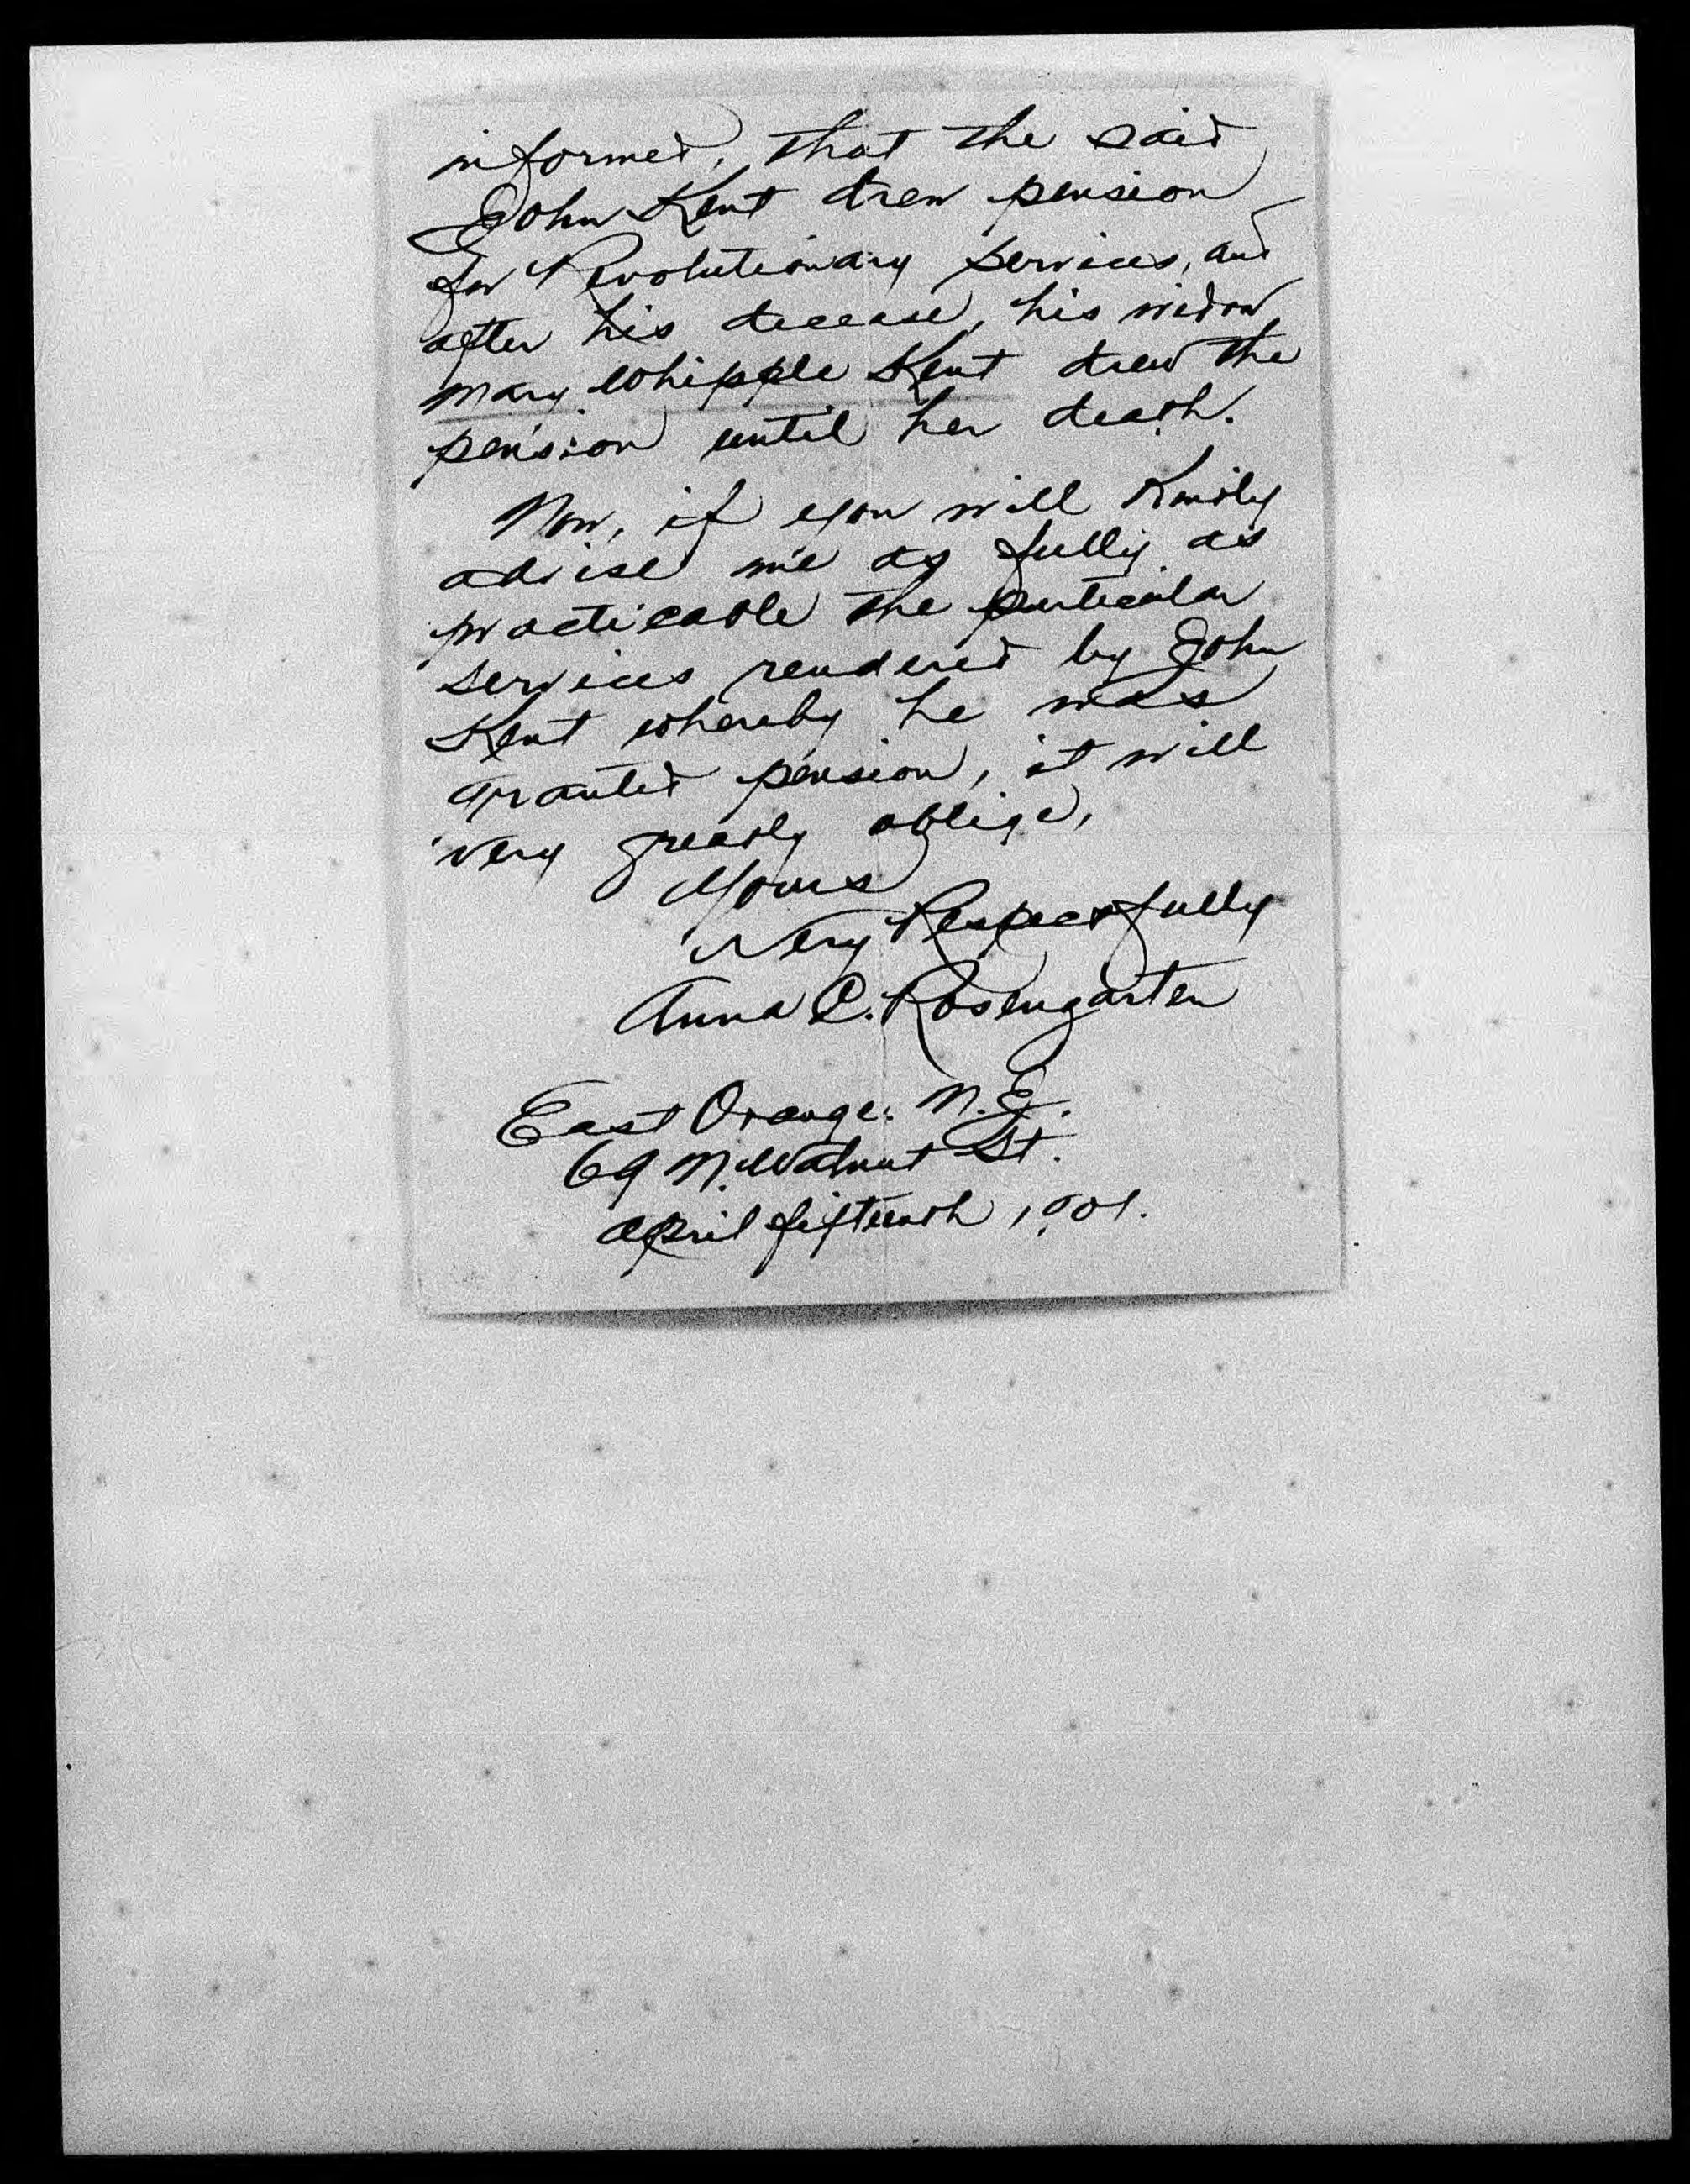informed, that the said John Kent drew pension for Revolutionary services, and after his decease, his widow Mary Whipple Kent drew the pension until her death.
Now, if you will kindly advise me as fully as practicable the particular services rendered by John Kent whereby he was granted pension, it will very greatly oblige,
Yours
Very Respectfully
Anna C. Rosengarten
East Orange N. C.
69 N. Walnut St.
April fifteenth, 1.001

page: 21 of 50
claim: widow's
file: W. 4253, for John Kent, Vermont